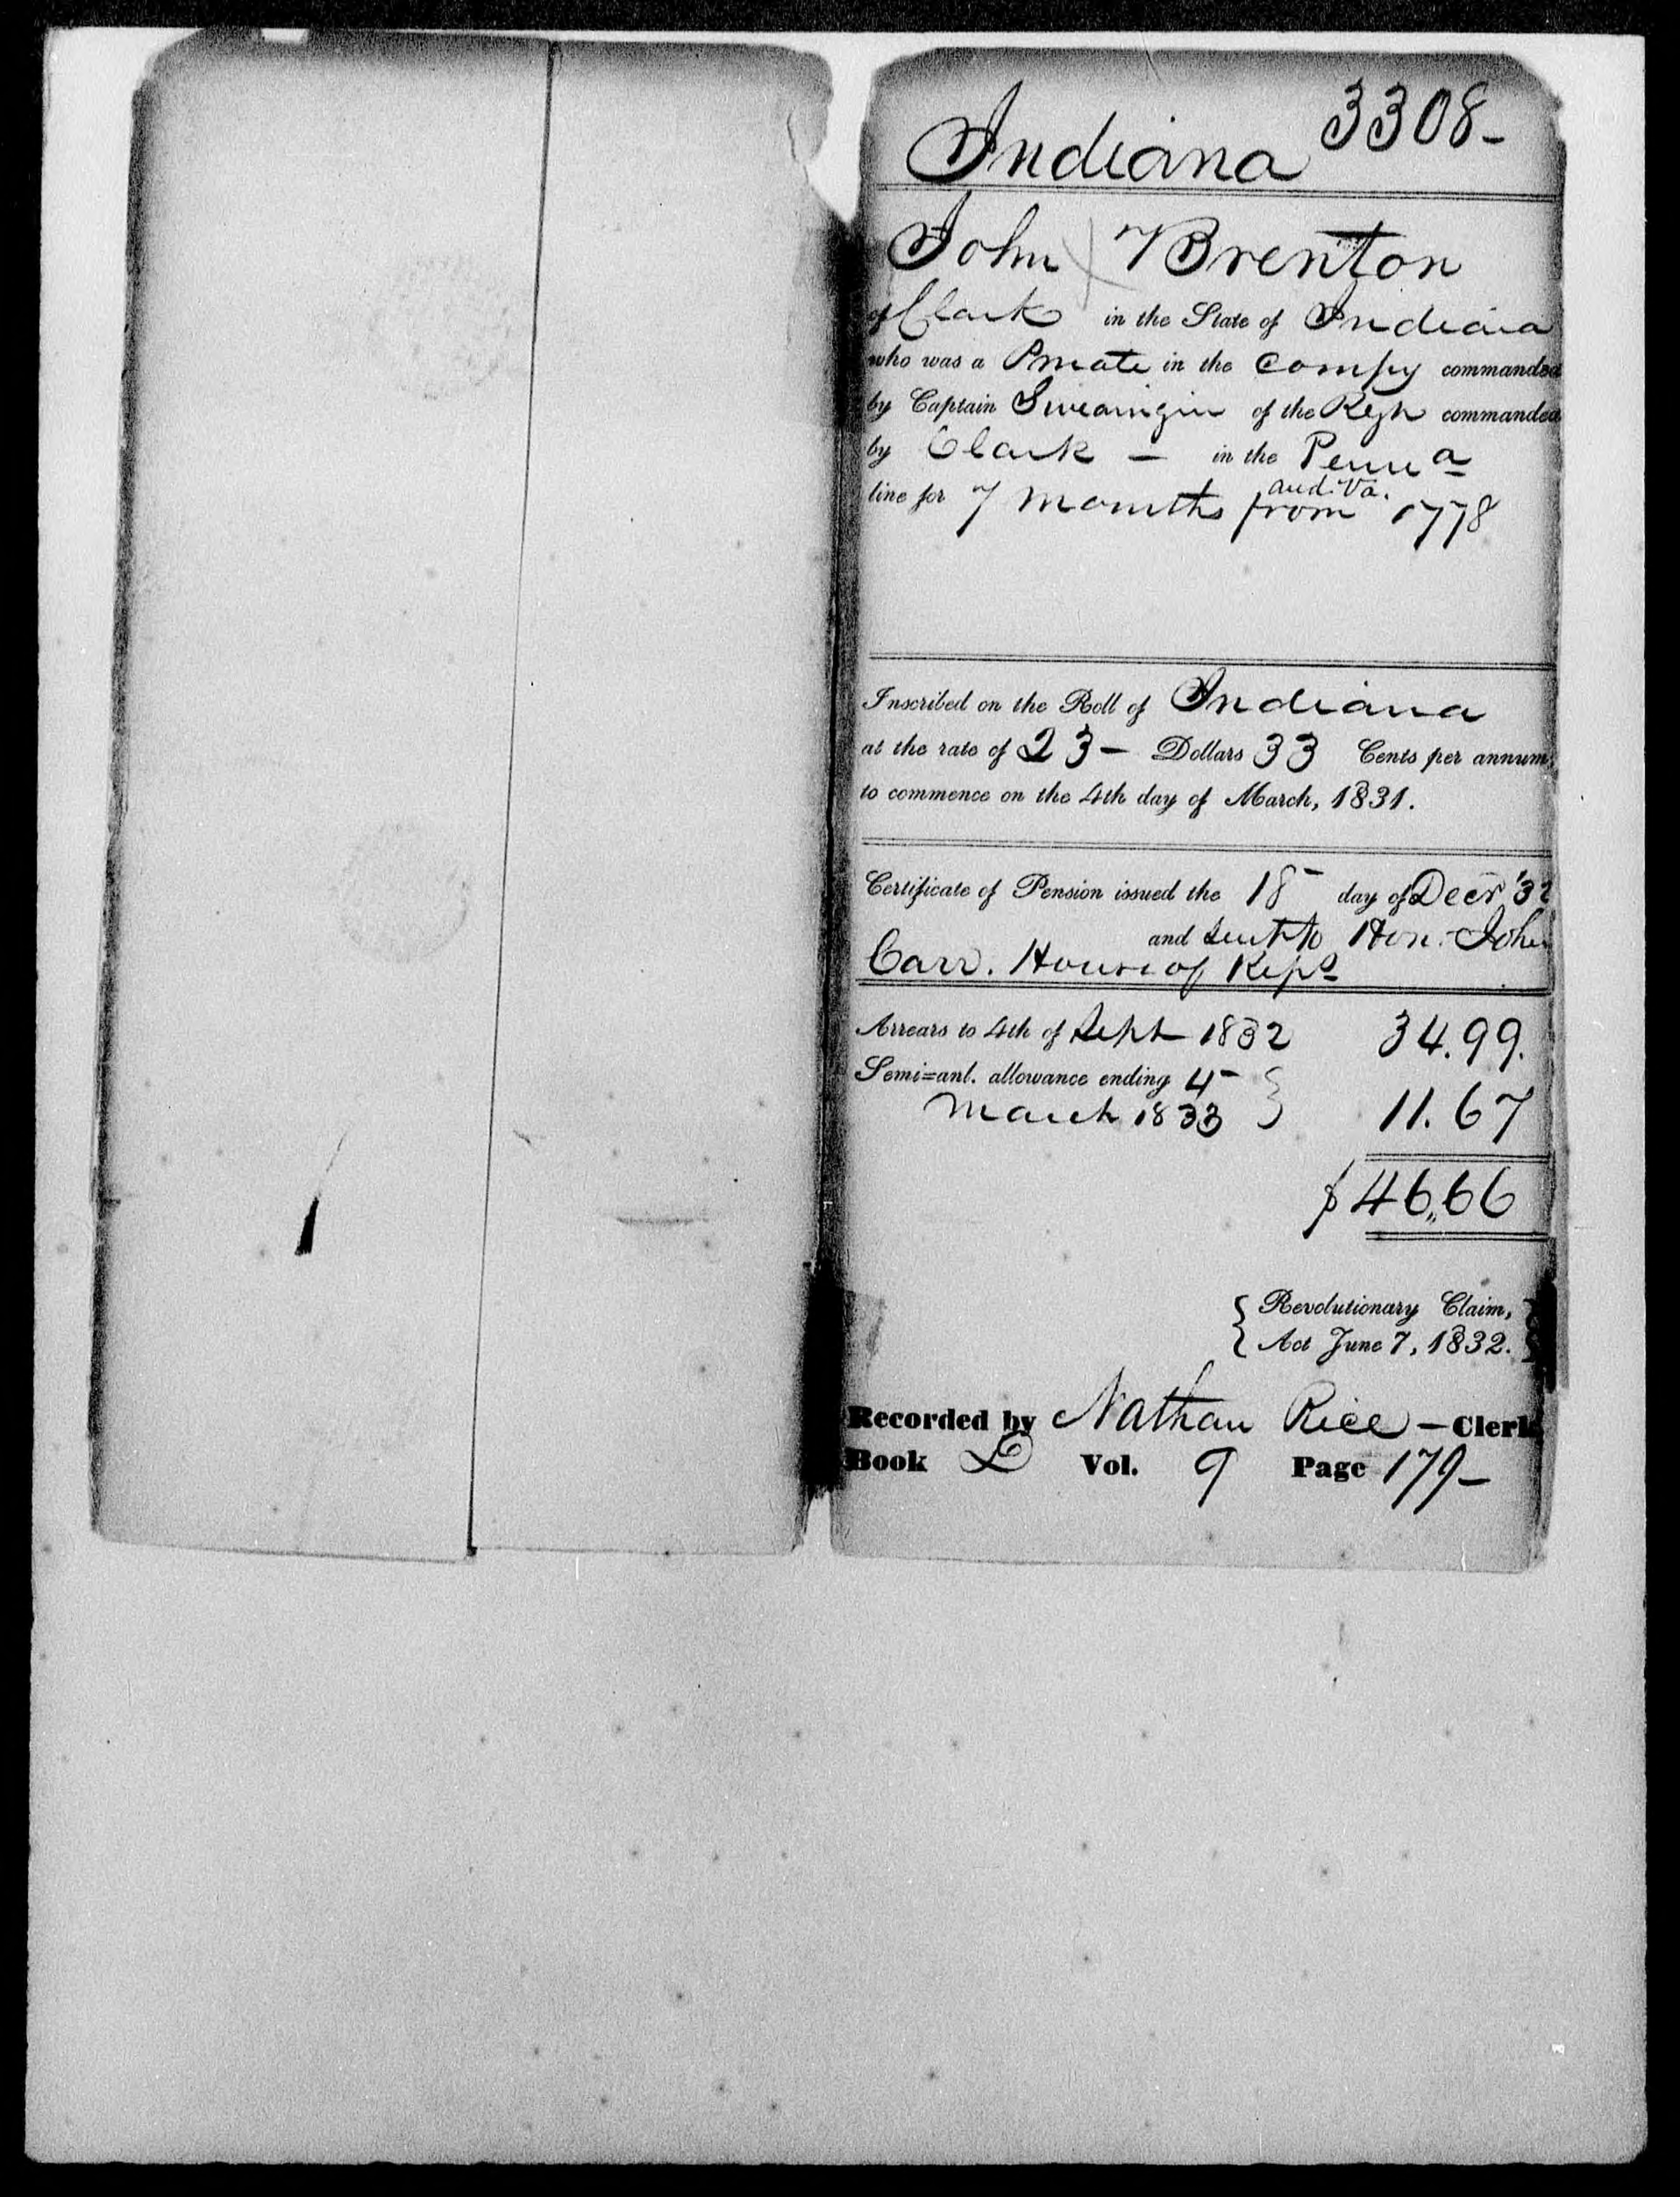Indiana 3308
John Brenton
of Clark in the State of Indiana who was a Private in the compy. commanded by Captain Swearingen of the Regt. commanded by Clark in the Penn & Va line for 7 months from 1778
Inscribed on the Roll of Indiana at the rate of 23 Dollars 33 Cents per annum to commence on the 4th day of March, 1831.
Certificate of Pension issued the 18th day of Dec '32 and sent to Hon. John Carr. House of Reps.
Arrears to 4th of Sept 1832          34.99
Semi=anl. allowance ending 4      11.67
   March 1833                             ---------
                                                 $46.66
{Revolutionary Claim
{Act June 7, 1832}

Recorded by Nathan Rice -- Clerk
Book D Vol. 9 Page 179.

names: John Carr, Swearingin, Nathan Rice, John Brenton, Clark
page: 2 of 26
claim: survivor's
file: S. 16059, John Brenton, Penn. Va.